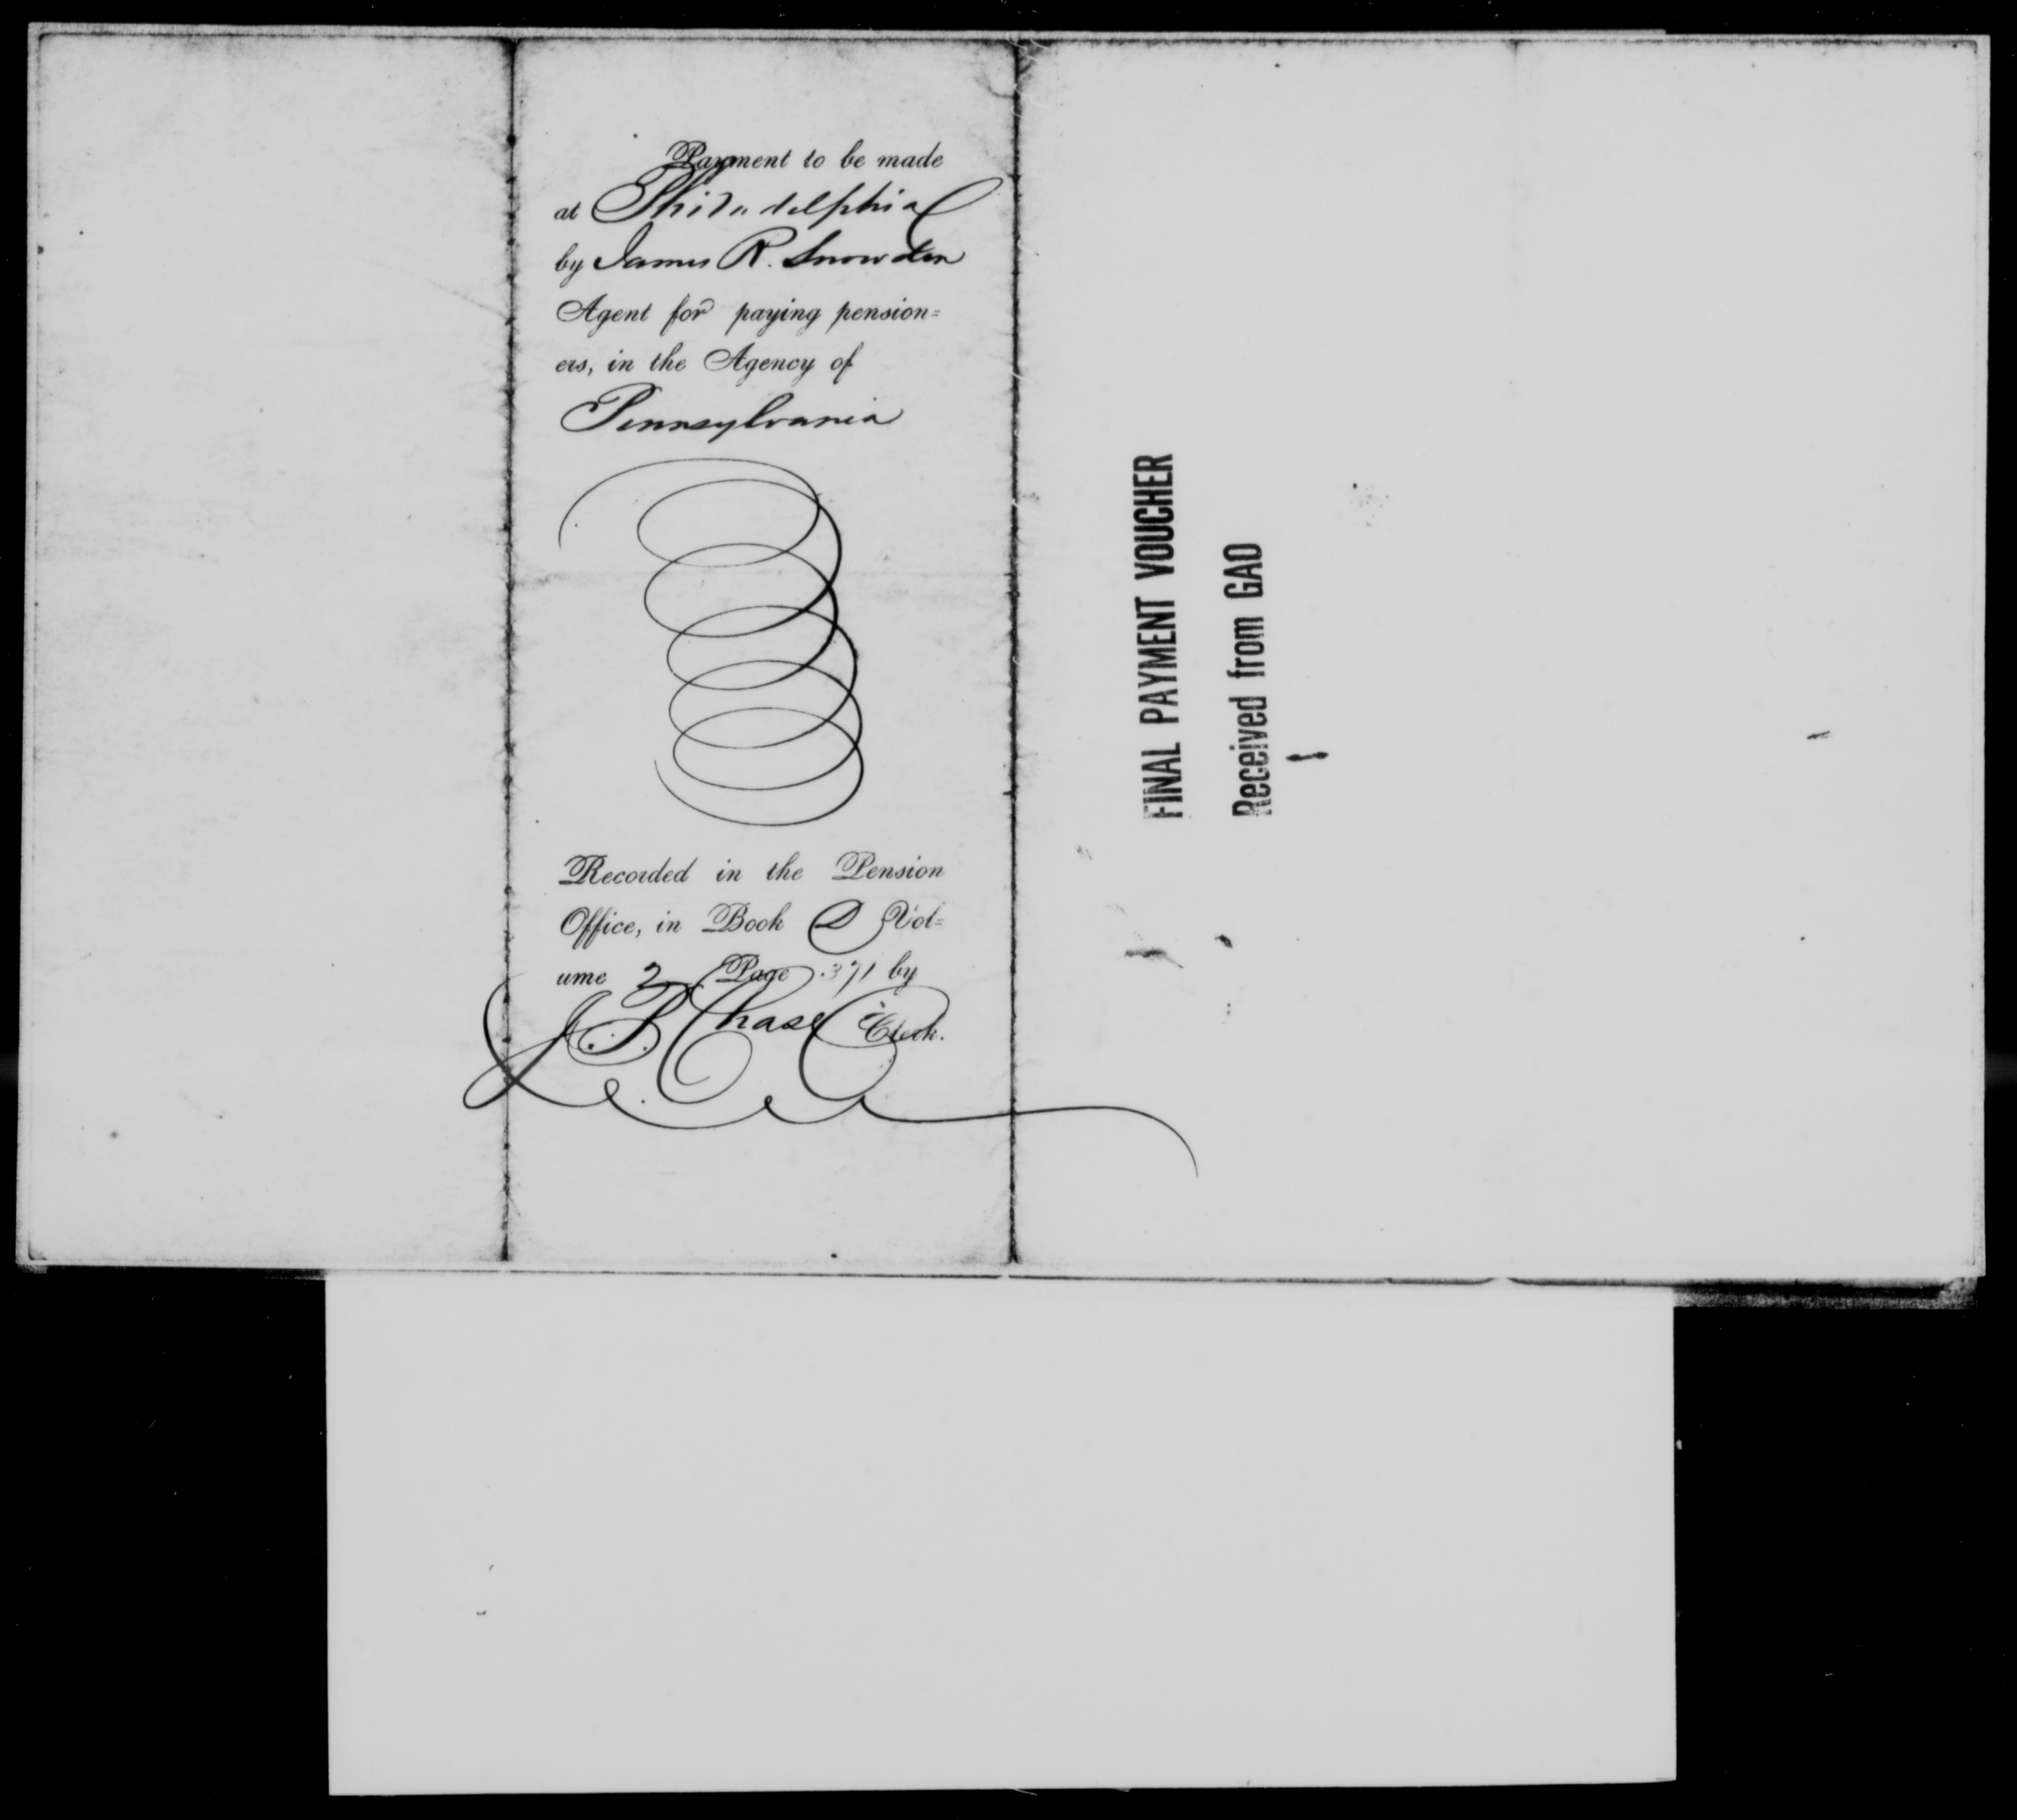Payment to be made at Philadelphia by James R. Snowden
Agent for paying pensioners in the Agency of Pennsylvania

Recorded in the Pension Office, in Book D Volume 2, Page 371 by 
J. P. Chase, Clerk

[Stamped vertically] Final Payment Voucher Received from GAO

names: J P Chase; James R Snowden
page: 72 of 73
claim: widow's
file: W. 3197, for Peter Stillwagon, New Jersey